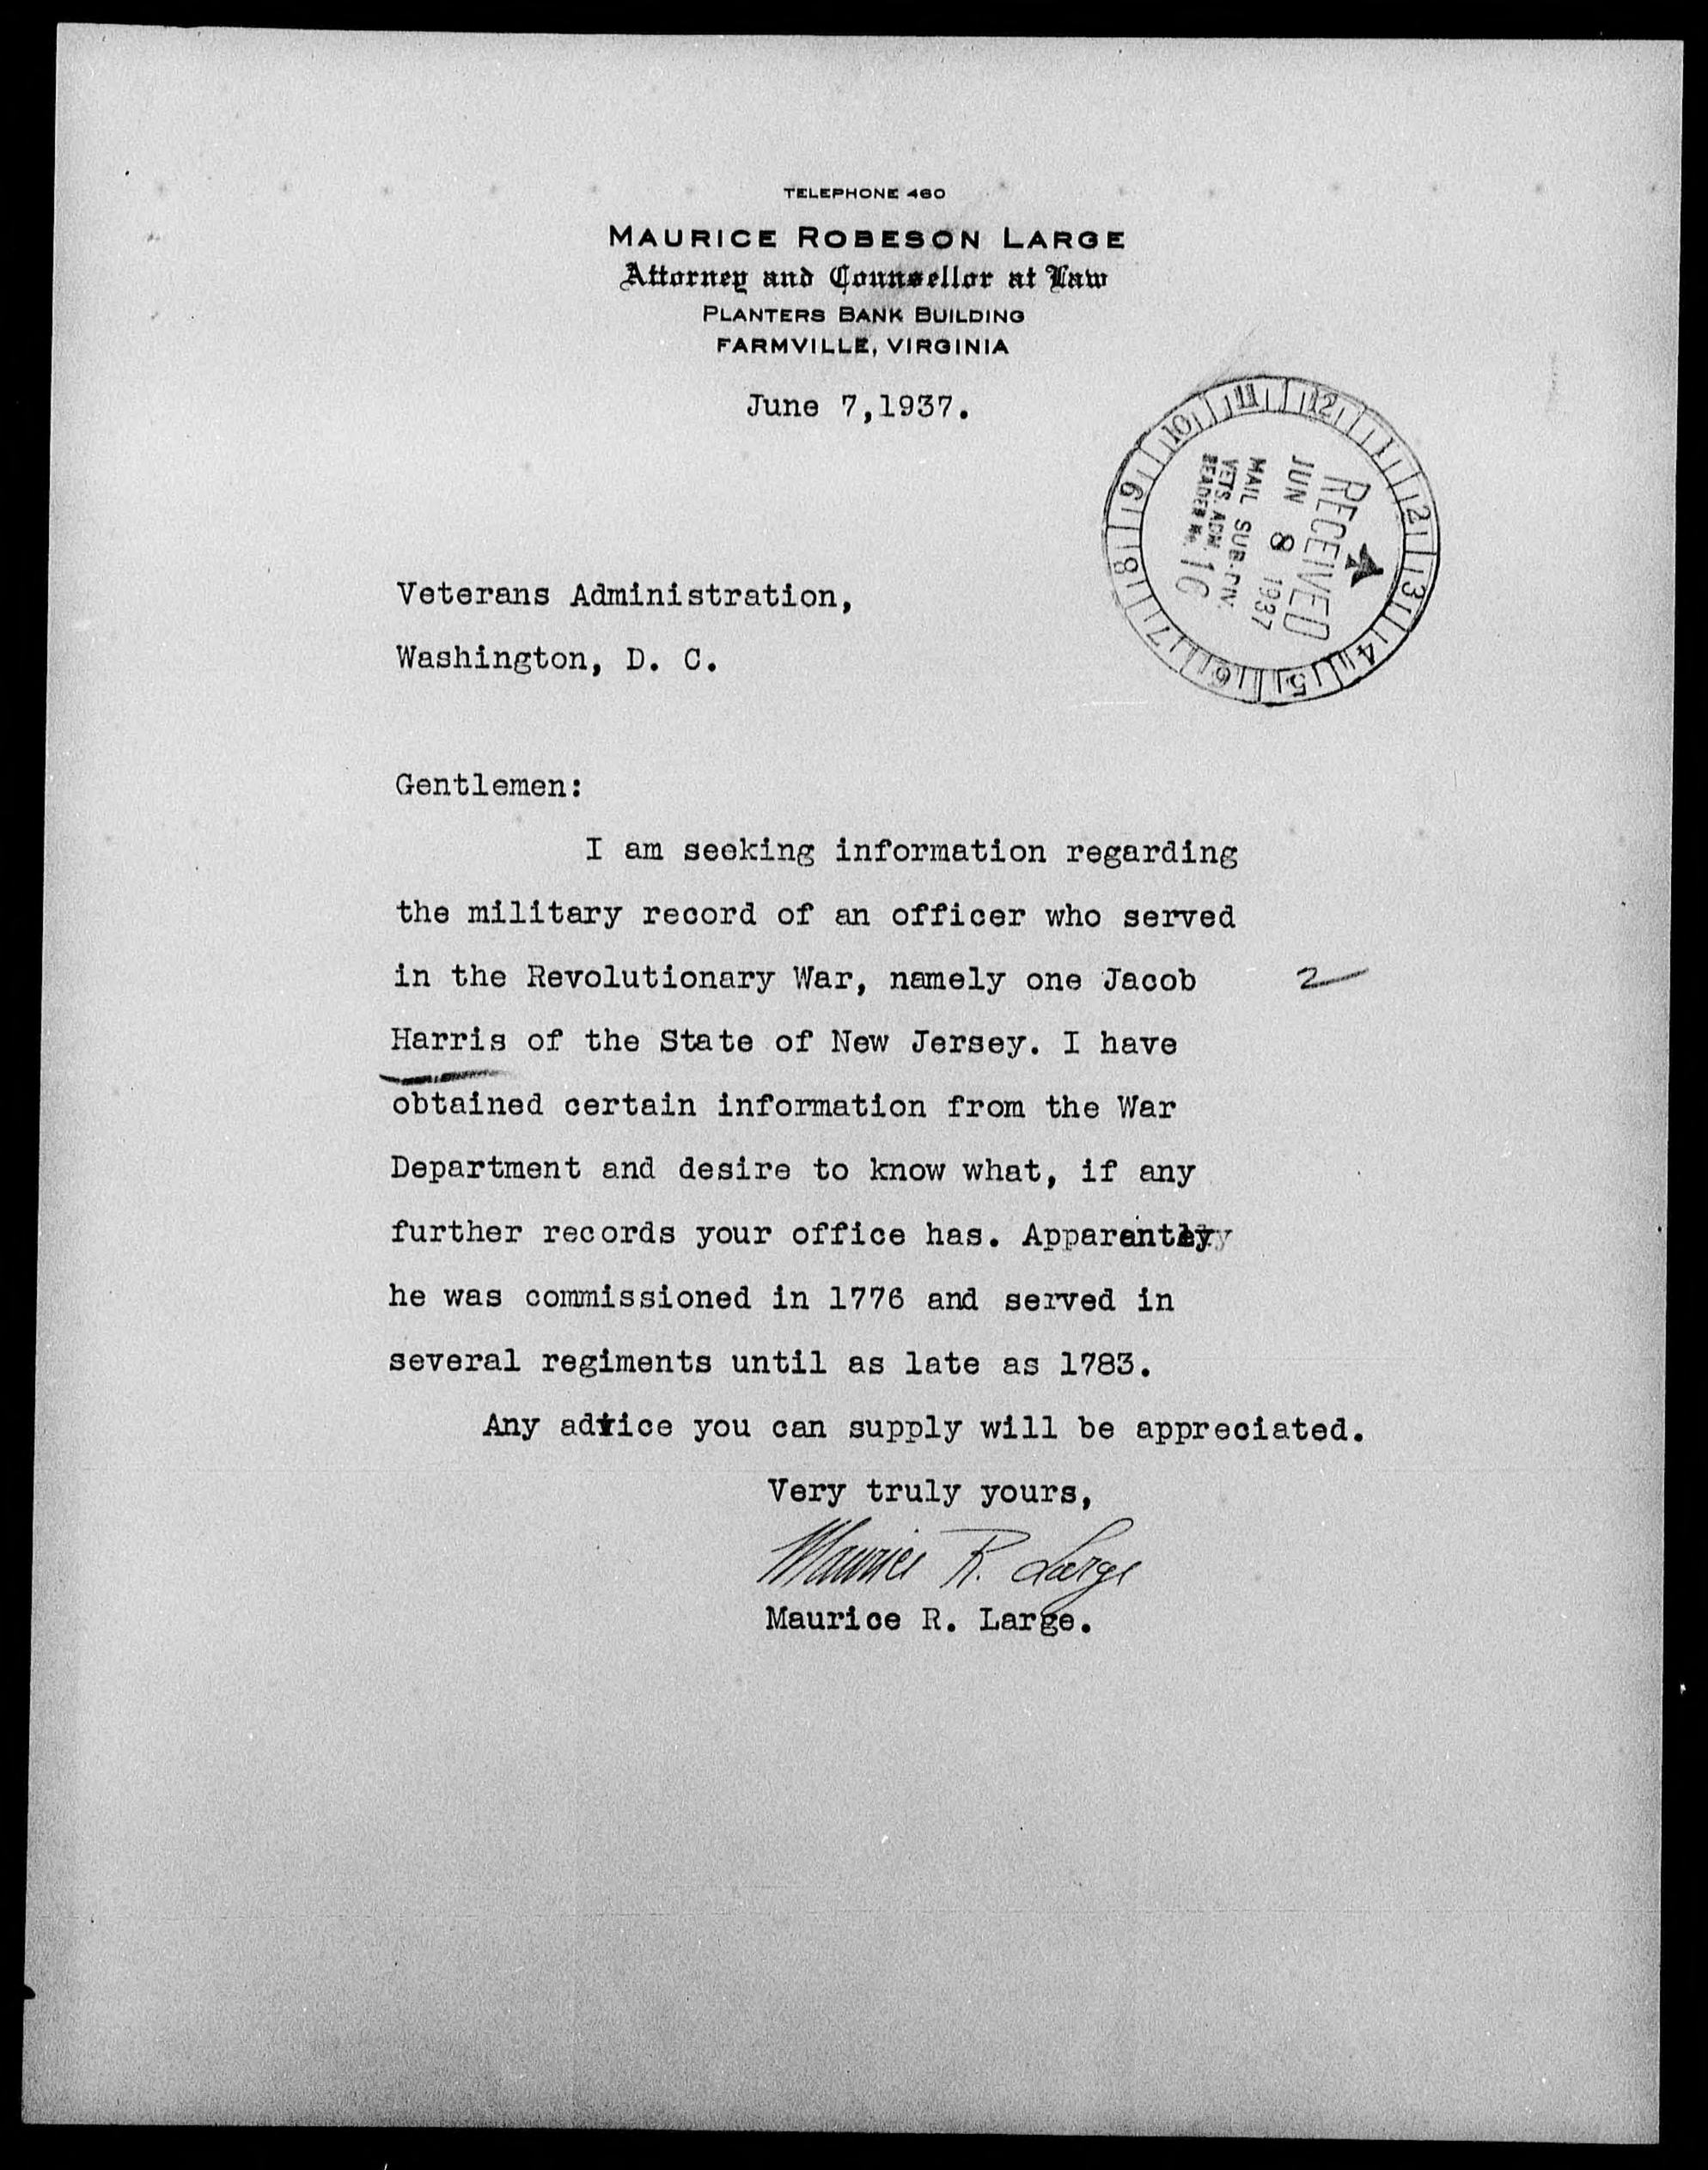TELEPHONE 460
MAURICE ROBESON LARGE
Attorney and Counsellor at Law
PLANTERS BANK BUILDING
FARMVILLE, VIRGINIA
June 7, 1937.

Veterans Administration,
Washington, D. C.

Gentlemen:

I am seeking information regarding
the military record of an officer who served
in the Revolutionary War, namely one Jacob
Harris of the State of New Jersey. I have
obtained certain information from the War
Department and desire to know what, if any
further records your office has. Apparently
he was commissioned in 1776 and served in
several regiments until as late as 1783.
Any advice you can supply will be appreciated.

Very truly yours,
Maurice R. Large [Signature]
Maurice R. Large.

[Official Stamp: RECEIVED JUN 8 1937
MAIL SUB.DIV. VETS. ADM. READER NO. 10]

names: Maurice R Large, Jacob Harris, Maurice R Large, Maurice Robeson Large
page: 1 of 3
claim: bounty land warrant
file: B. L. Wt. 1002-400-Surgeon, Jacob Harris, New Jersey